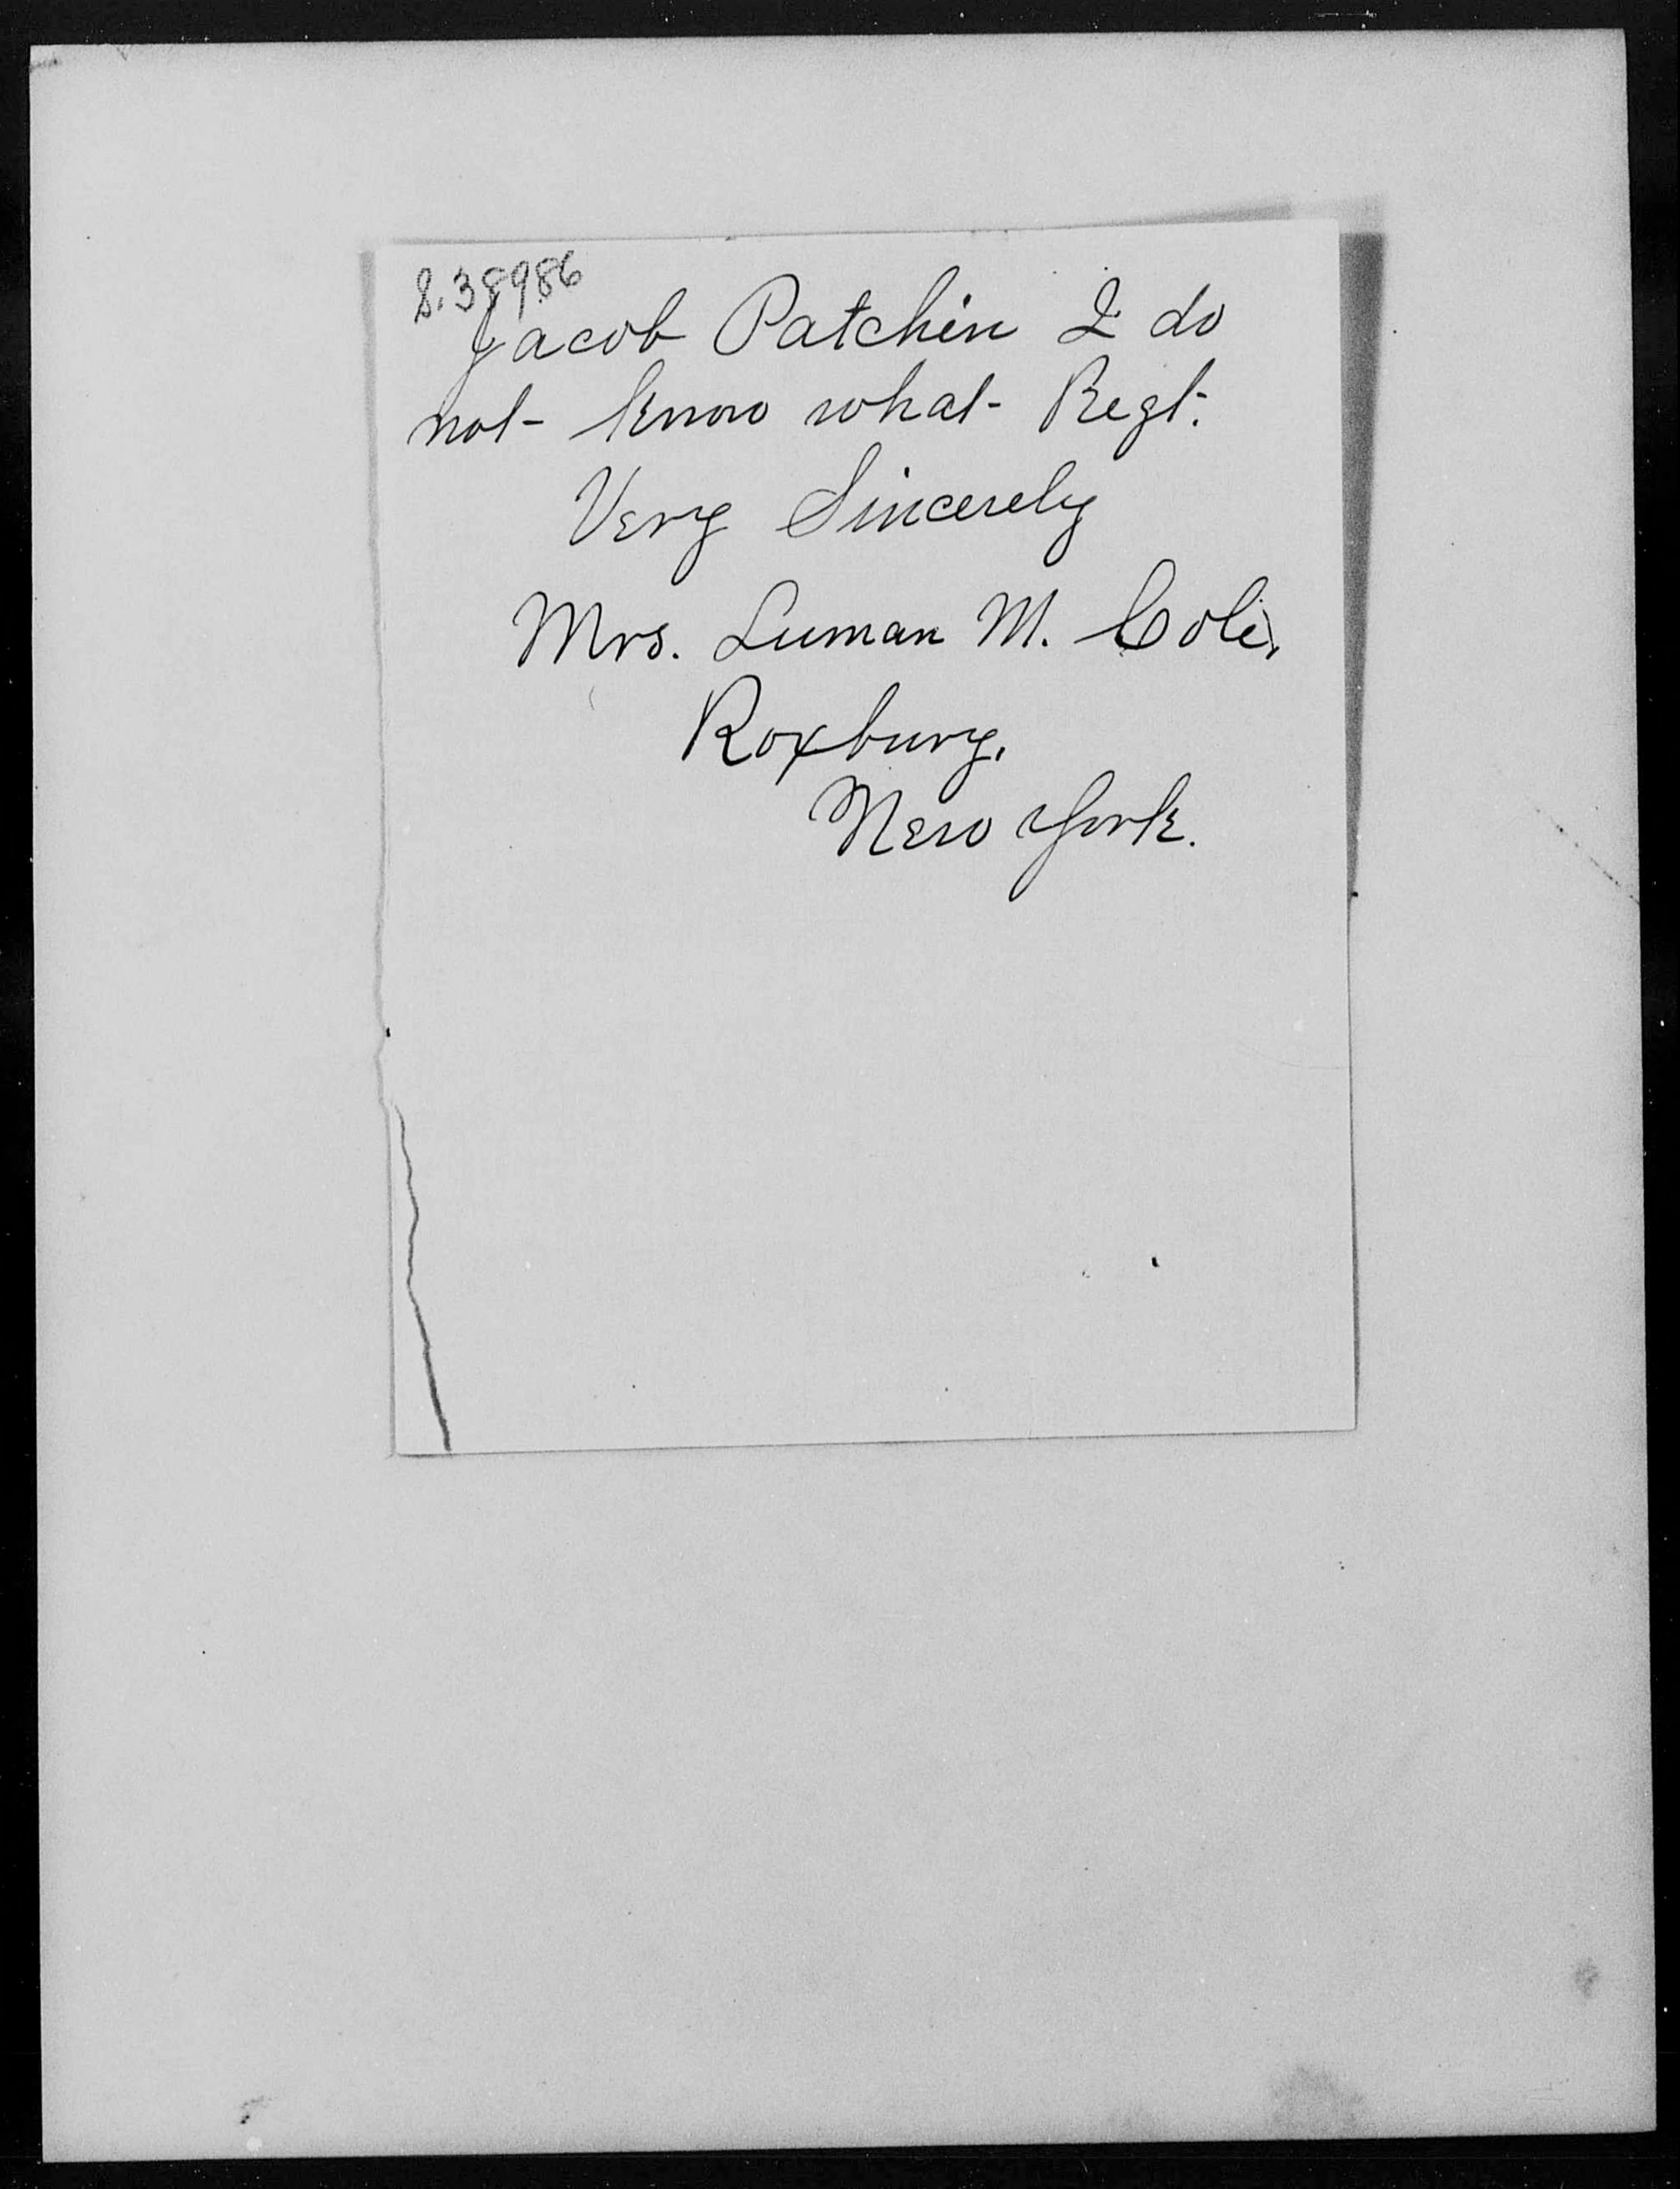S.38986
Jacob Patchin I do 
not know what Regt.
Very Sincerely
Mrs. Luman M. Cole
Roxbury
New York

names: Luman M Cole; Jacob Patchin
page: 23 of 31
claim: survivor's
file: S. 43766, for Amos Parker, Connecticut